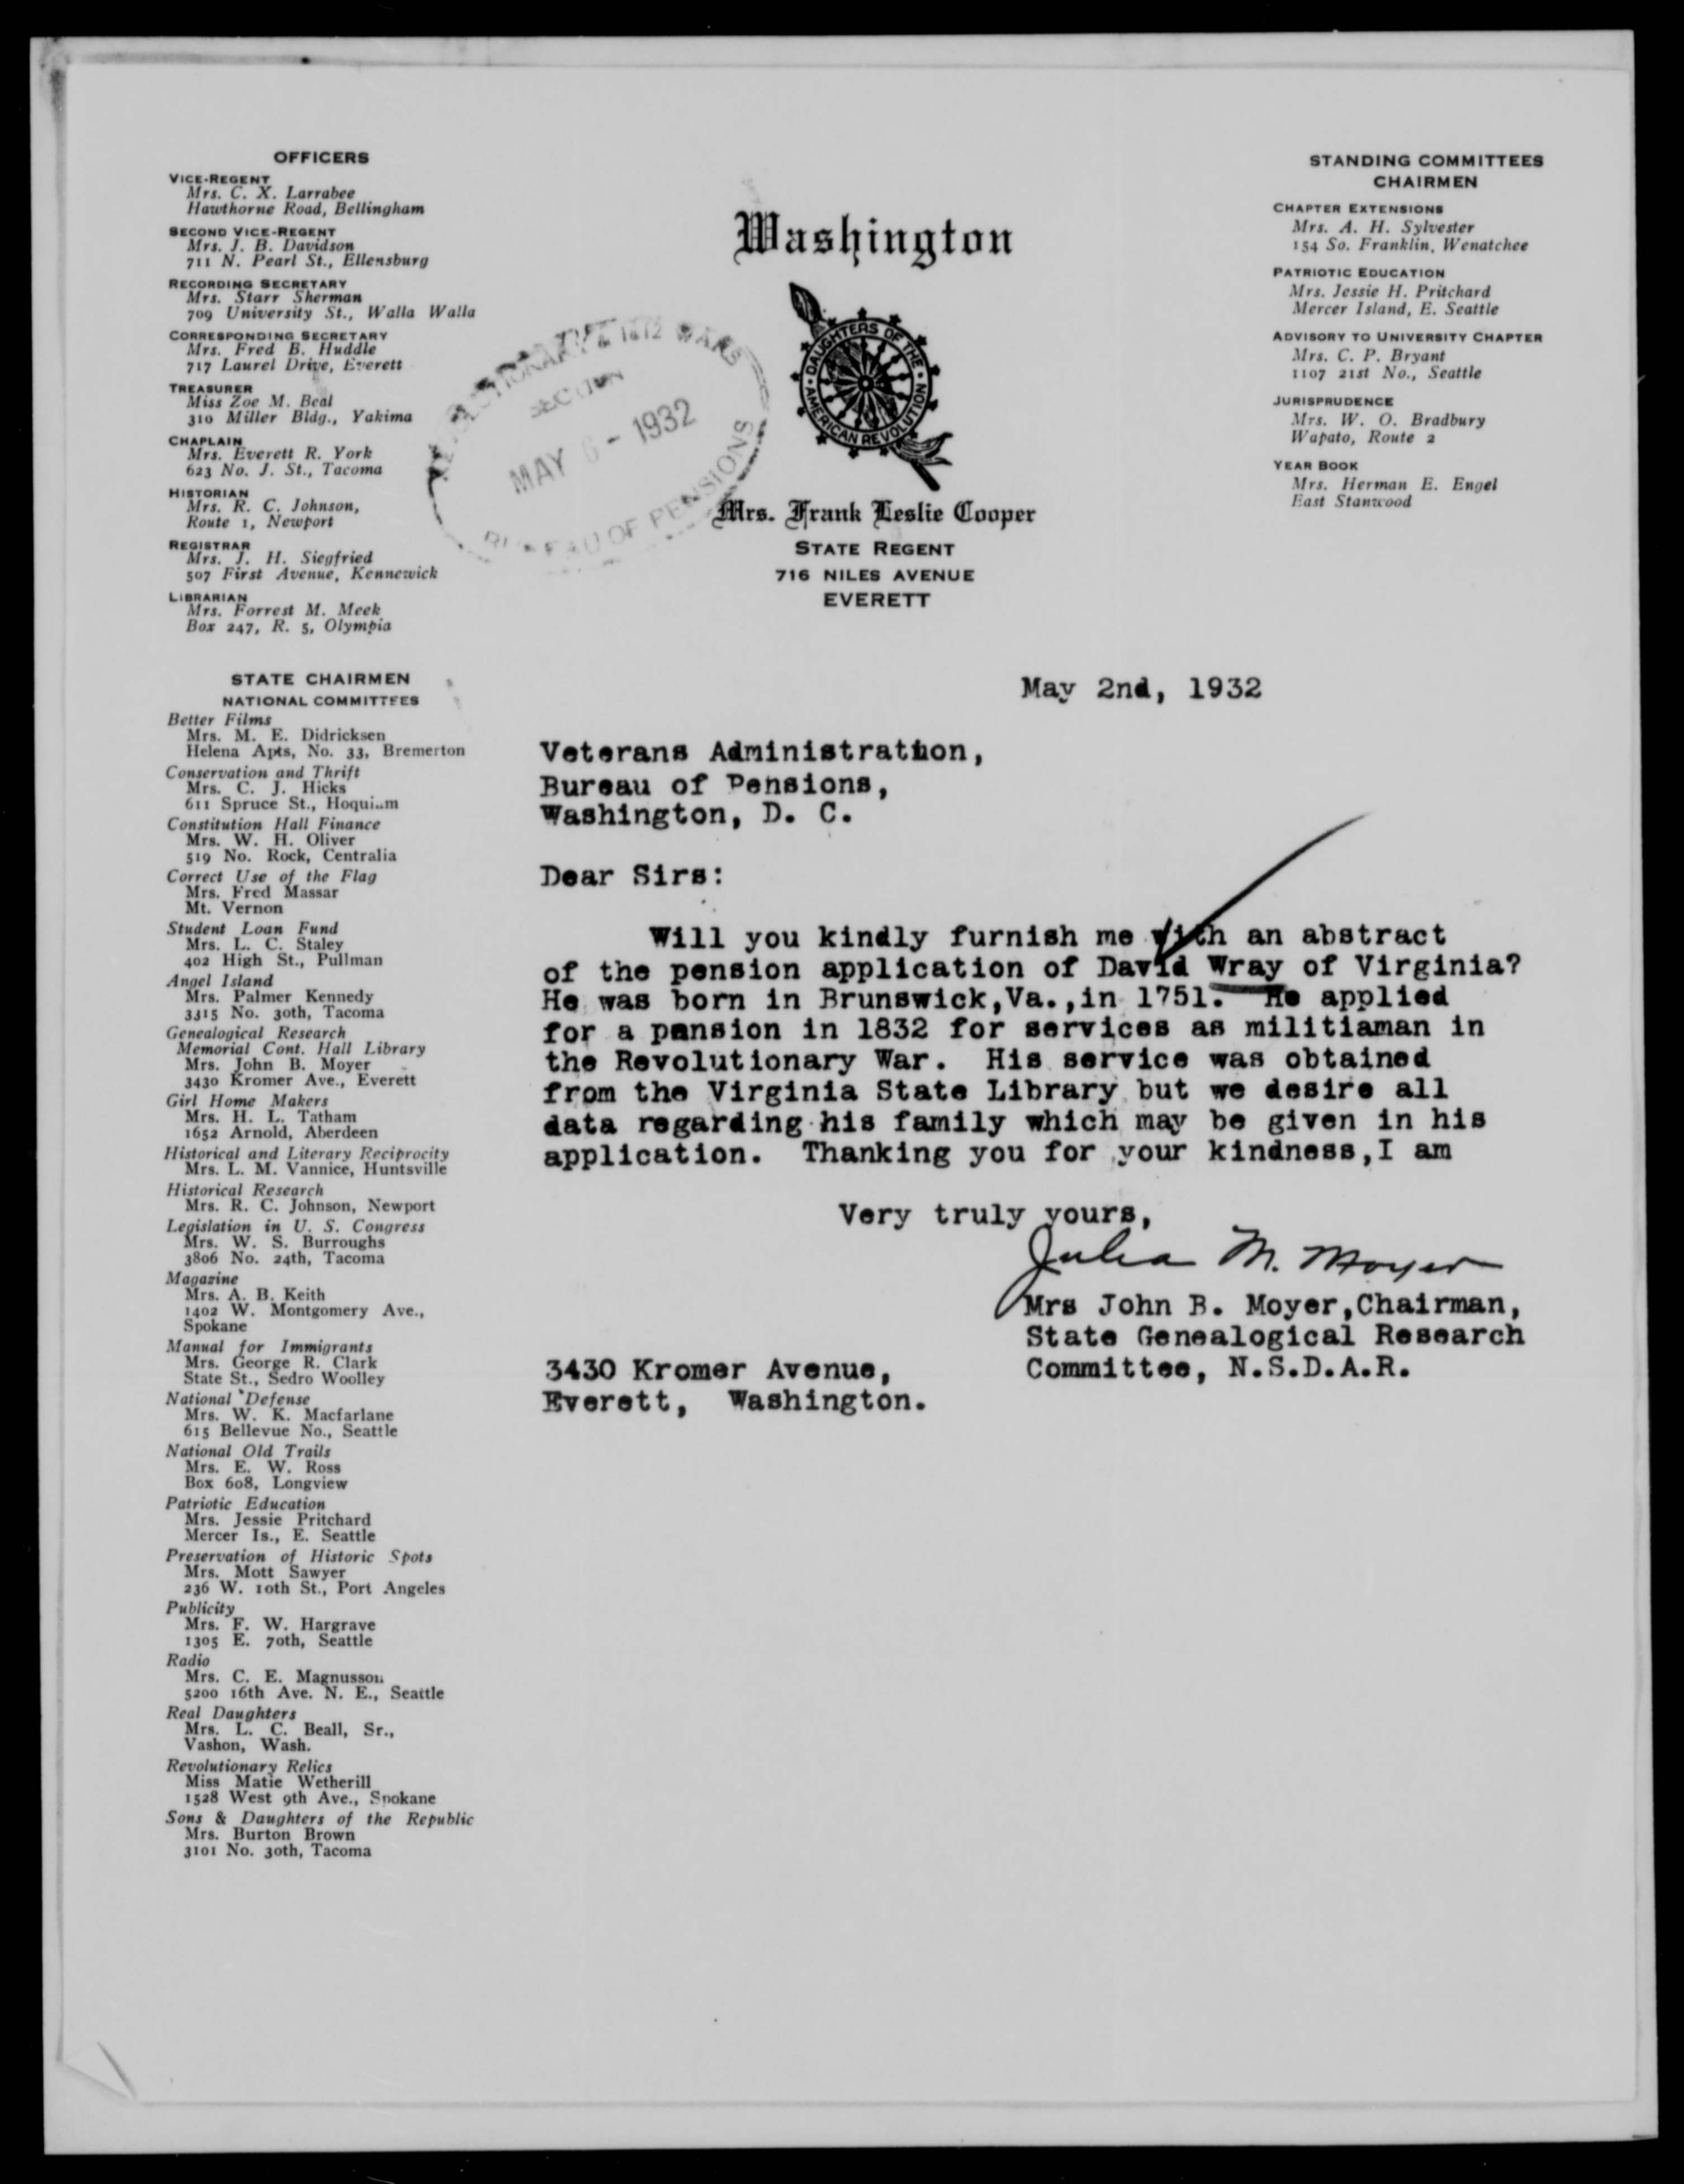[On the left margin of the page:]
OFFICERS
VICE-REGENT
  Mrs. C.S. Larrabee
  Hawthorne Road, Bellingham
SECOND VICE-REGENT
  Mrs. J.B. Davidson
711 N. Pearl St., Ellensburg
RECORDING SECRETARY
  Mrs. Starr Sherman
709 University St., Walla Walla
CORRESPONDING SECRETARY
Mrs. Fred B. Huddle
717 Laurel drive, Everett
TREASURER
Miss Zoe M. Beal
310 Miller Bldg., Yakima
CHAPLAIN
Mrs. Everett R. York
623 No. J. St., Tacoma
HISTORIAN
Mrs. R. C. Johnson,
Route 1, Newport
REGISTRAR
Mrs. J. H. Siegfried
507 First avenue, Kennewick
LIBRARIAN
Mrs. Forrest M. Meek
Bos247, R. 5, Olympia

STATE CHAIRMEN
NATIONAL COMMITTEES
Better films
Mrs. M.D. Didricksen
Helena Apts. No. 33, Bremerton
Conservation and Thrift
Mrs. C. J. Hicks
611 Spruce St., Hoquiam
Constitution Hall Finance
Mrs. W. H. Oliver
519 No. Rock, centralia
Correct Use of the Flag
Mrs. Fred Massar
Mt. Vernon
Student Loan Fund
Mrs. L.C. Staley
402 High St., Pullman
Angel Island
Mrs. Palmer Kennedy
3315 No. 30th, Tacoma
Genealogical Research
Memorial Cont. Hall Library
Mrs. John B. Moyer
3430 Kromer Ave., Everett
Girl Home Makers
Mrs. H.L. Tatham
1652 Arnold, Aberdeen
Historical and Literary Reciprocity
Mrs. L. M. Vannice, Huntsville
Historical Research
Mrs. R. C. Johnson, Newport
Legislation in U.S. Congress
Mrs. W. S. Burroughs
3806 No. 24th, Tacoma
Magazine
Mrs. A. B. Keith
1402 W. Montgomery Ave.,
Spokane
Manual for Immigrants
Mrs. George R. Clark
State St., Sedro Wooley
National defense
Mrs. W. K. Macfarlane
615 Bellevue No., Seattle
National Old Trails
Mrs. E. W. Ross
Box 608, Longview
Patriotic Education
Mrs. Jessie Pritchard
Mercer Is., E. Seattle
Preservation of Historic Spots
Mrs. Mott Sawyer
236 W. 10th St., Port Angeles
Publicity
Mrs. F. W. Hargrave
1305 E. 70th, Seattle
Radio
Mrs. C. E. Magnusson
5200 16th Ave. N.E., Seattle
Real Daughters
Mrs. L.C. Beall, sr.
Vashon, Wash.
Revolutionary Relics
Miss Matie Wetherill
1528 West 9th Ave., Spokane
Sons & Daughters of the Republic
Mrs. Burton Brown
3101 No. 30th, Tacoma

[On the right margin of the page:]
STANDING COMMITTEES
CHAIRMEN
CHAPTER EXTENSIONS
Mrs. A. H. Sylvester
154 So. Franklin, Wnatchee
PATRIOTIC EDUCATION
Mrs. Jessie H. Pritchard
Mercer Island, E. Seattle
ADVISORY TO UNIVERSITY CHAPTER
Mrs. S. P. Bryant
1107 21st No., Seattle
JURISPRUDENCE
Mrs. W. O. Bradbury
Wapato, Route 2
YEAR BOOK
Mrs. Herman E. Engel
East Stanwood

[In the body of the letter:]
Washington
Daughters of the American Revolution Seal
Mrs. Frank Leslie Cooper
STATE REGENT
716 NILES AVENUE
EVERETT
[There is an oval blank ink stamp.]
SECTION
MAY 6- 1932
BUREAU OF PENSIONS
                 May 2nd, 1932
Veterans Administration
Bureau of Pensions,
Washington D. C.
Dear Sirs:
   Will you kindly furnish me with an abstract
of the pension application of David Wray of Virginia?
He was born in Brunswick, Va., in 1751.  He applied
for a pension in 1832 for services as militiaman in
the Revolutionary War.  His service was obtained
from the Virginia state Library but we desire all
data regarding his family which may be given in his
application.  Thanking you for your kindness, I am
    Very, truly yours.
          Julia M. Moyer
Mrs. John B. Moyer, Chairman,
State Genealogical Research
Committee, N.S.D.A.R.
3430 Kromer Avenue,
Everett, Washington.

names: John B Moyer, L C Staley, J H Siegfried, Herman E Engel, Julia M Moyer, J B Davidson, C P Bryant, Palmer Kennedy, R C Johnson, E W Ross, L C Beall, David Wray, W O Bradbury, Jessie Pritchard, Forrest M Meek, Jessie H Pritchard, Fred Massar, Mott Sawyer, A B Keith, George R Clark, Zoe M Beal, L M Vannice, C E Magnusson, Burton Brown, F W Hargrave, W H Oliver, Fred B Huddle, A H Sylvester, C J Hicks, Matie Wetherill, W K Macfarlane, Everett R York, M E Didricksen, C X Larrabre, H L Tatham, Starr Sherman, W S Burroughs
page: 13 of 19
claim: survivor's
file: S. 7,973, David Wray, Va.